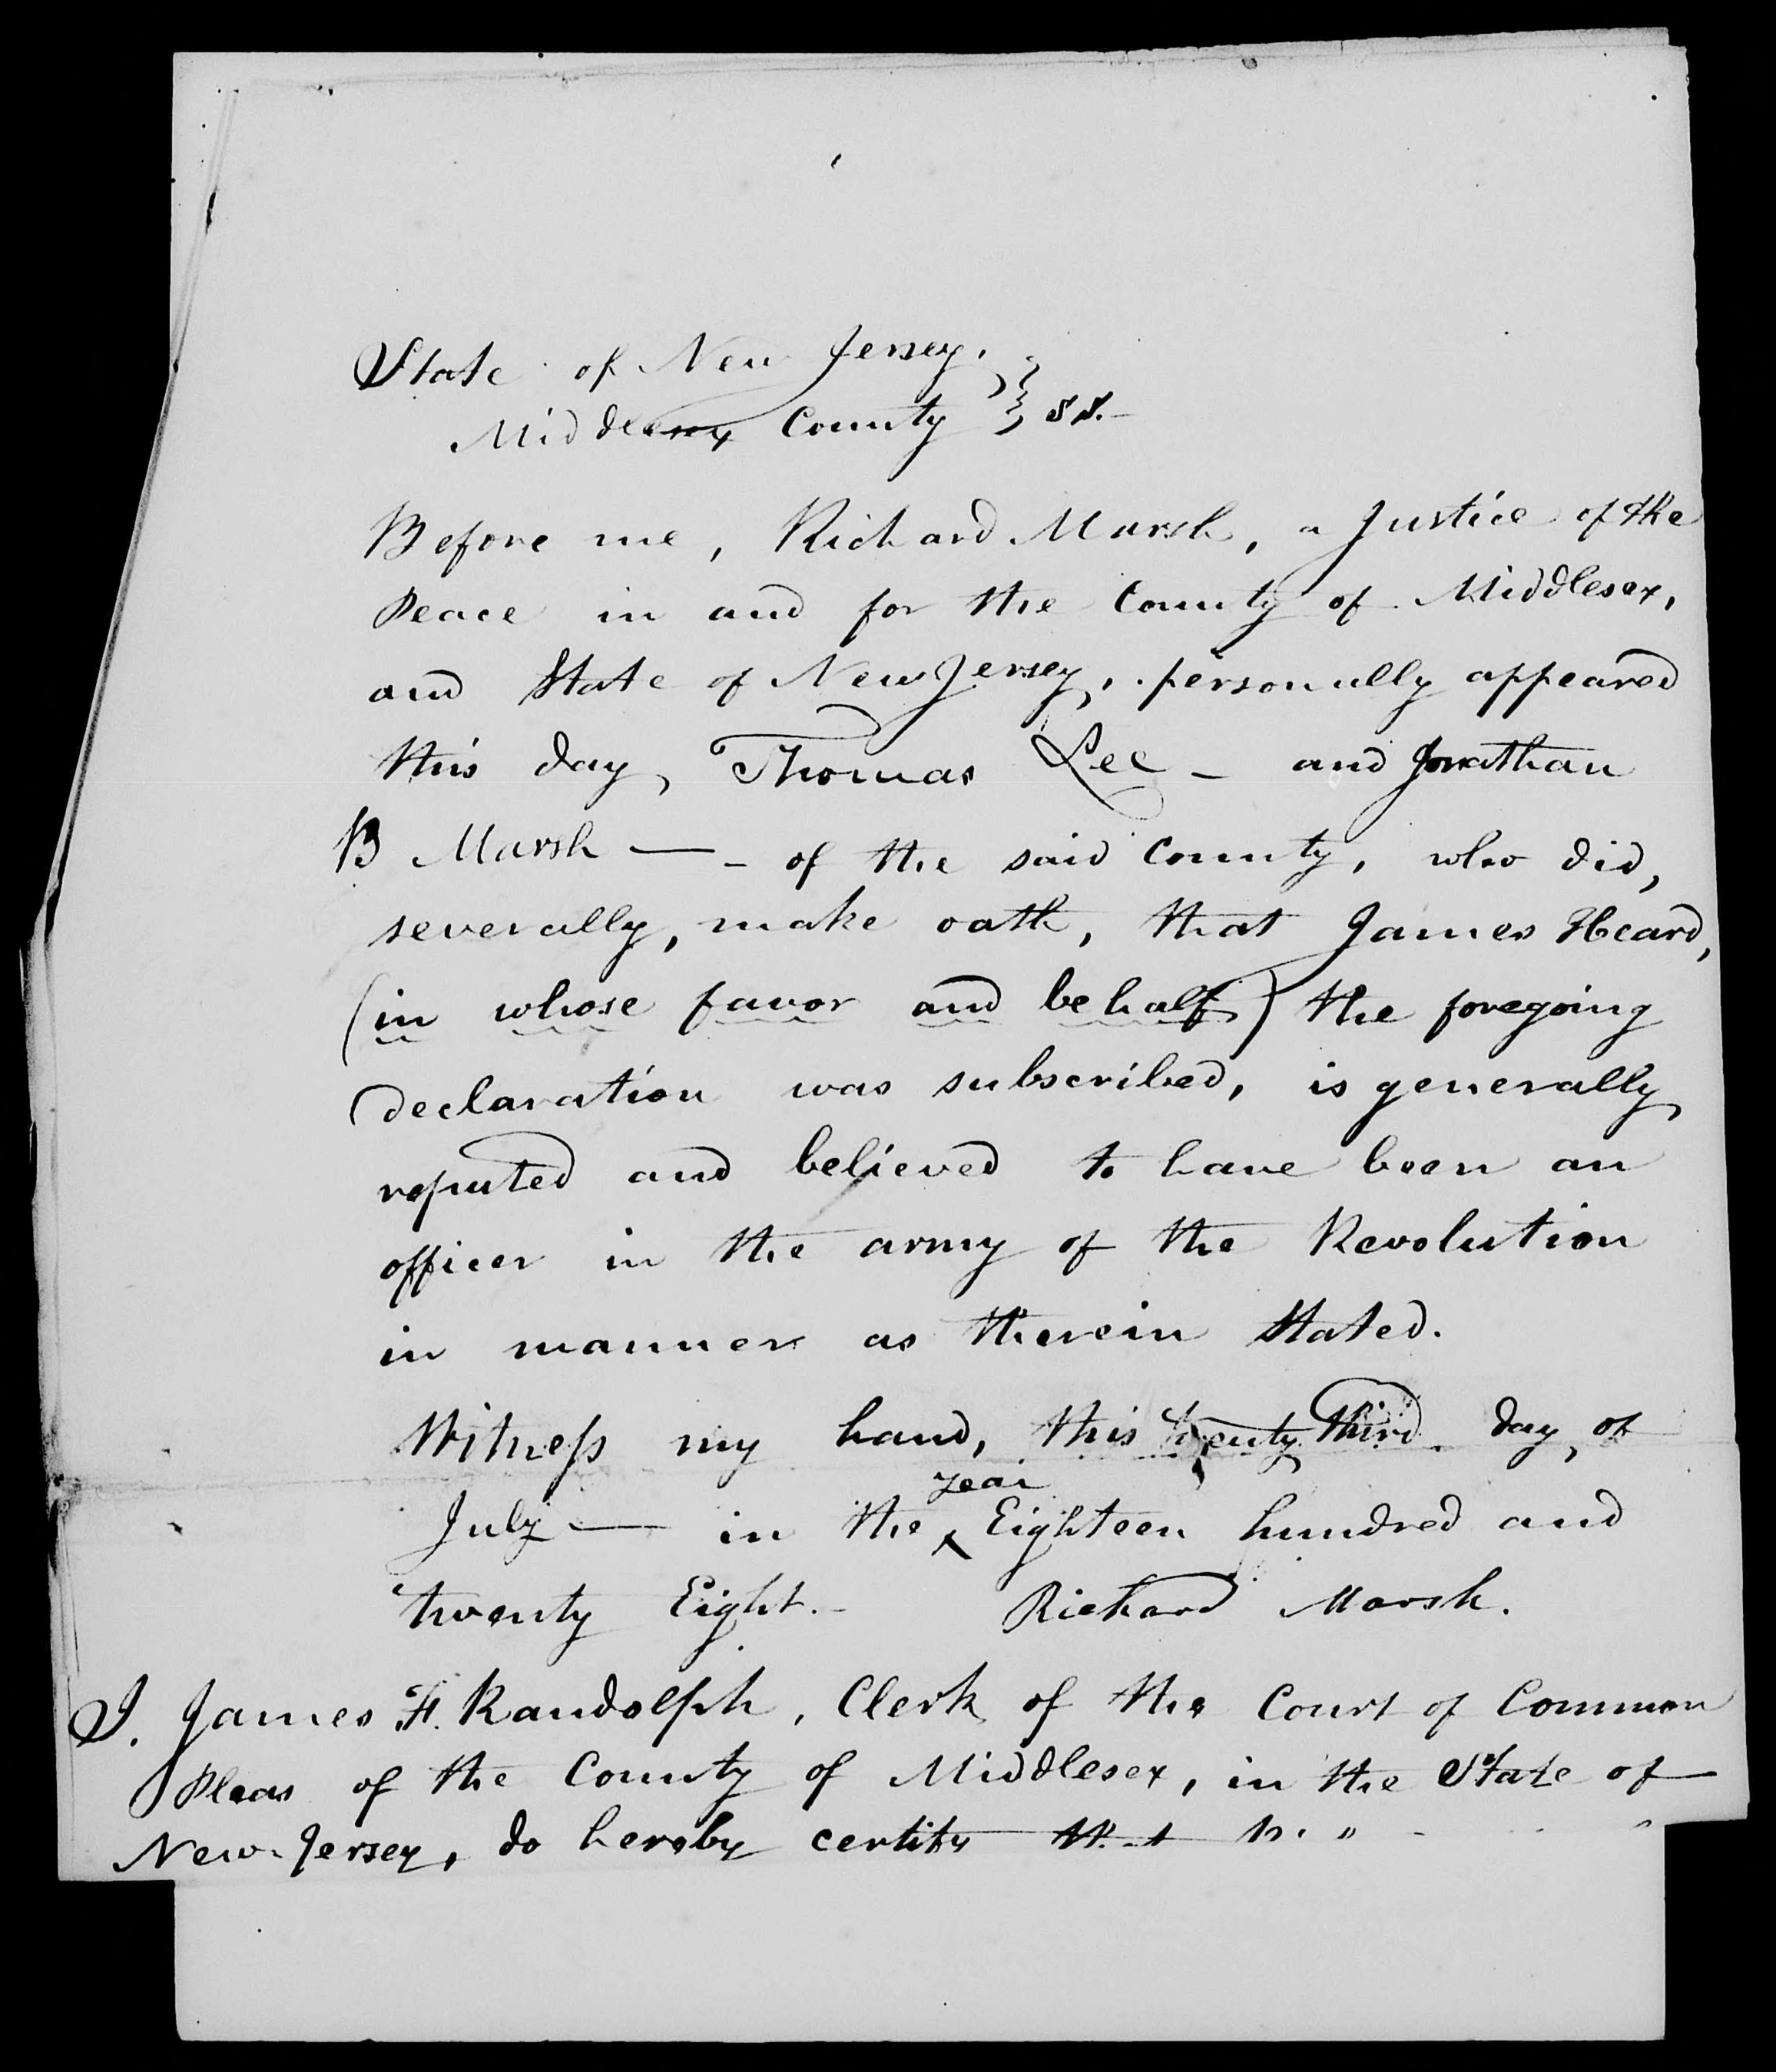State of New Jersey,
Middlesex County

Before me, Richard Marsh, a Justice of the Peace for the County of Middlesex and State of New Jersey, personally appeared on this day, Thomas Lee and Jonathan B. Marsh of the said Court, who did, severally, make oath, that James Heard (in whose favor and behalf) the foregoing declaration was subscribed, is generally reputed and believe have been an officer in the army of the Revolution in manner as therein stated.

I [set my hand and affixed the Seal of the said Court], this twenty third day of June in the year eighteen hundred and twenty eight. 

Richard Marsh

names: Jonathan B Marsh, Richard Marsh, Thomas Lee, James F Randolph, Richard Marsh, James Heard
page: 20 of 62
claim: survivor's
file: S. 540, James Heard, Continental - New Jersey Residence In 1818